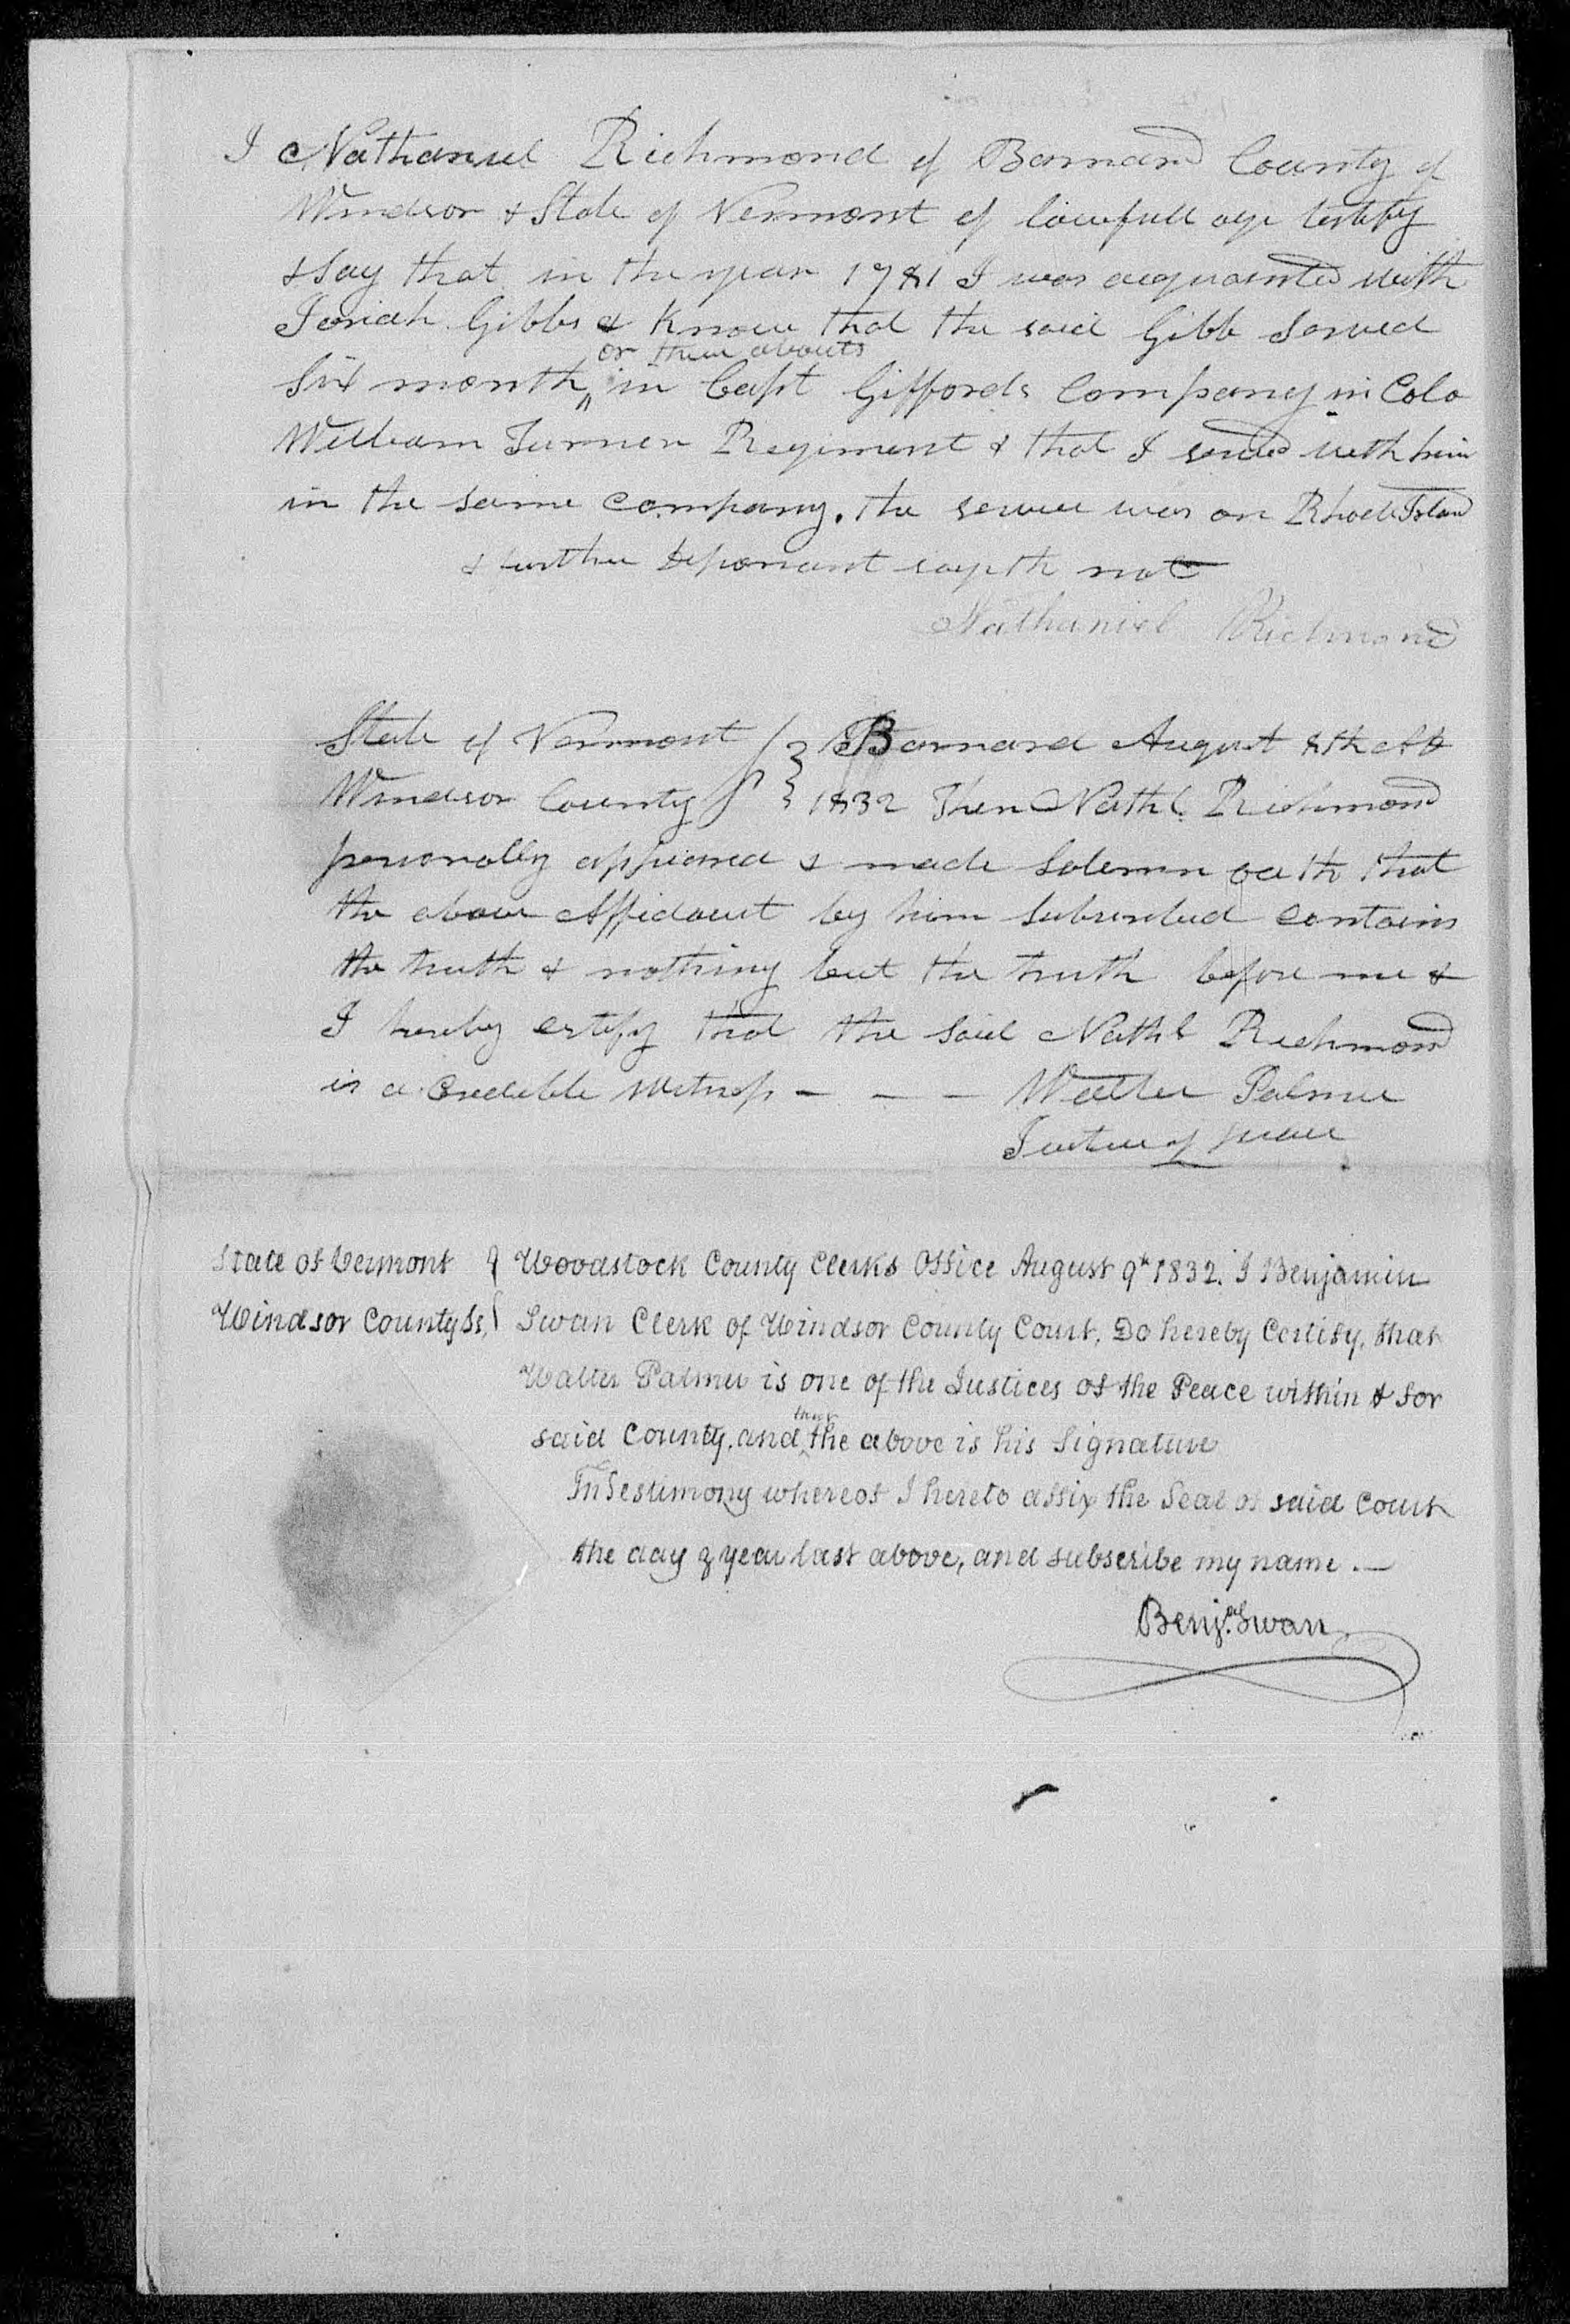I Nathaniel Richmond of Barnand, County of
Windsor & State of Vermont of lawful age testify & say that in the year 1781 I was acquainted with Josiah Gibbs & know that the said Gibb served Six months or threrabouinat Capt Giffords Company in Col William Turner Regiment & that I served with him in the same company. The service was on Rhode Island & I further Deponent, sayeth not
--Nathaniel Richmond
State of Vermont ⎬ 
Windsor County ss}
1832  Barnard August 8 1832 Personally   appeared & made solemn oath that the
above Affidavit by him subscribed contains
the truth & nothing but the truth before me &
I hereby certify that the said Nathl Richmond
is a credible witness - -
Walter Palmer   Justice of Peace

State of Vermont}
Windsor County. ss}
Woodstock County Clerks Office August 9th 1832. I Benjamin Swan Clerk of Windsor County Court, Do hereby certify that Walter Palmer is one of the Justices of the Peace within & for said County, and that the above is his signature
In Testimony whereof I hereto affix the seal of said Court the day & year last above, and subscribe my name.
Benj. Swan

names: Nathl Richmond, Walter Palmer, Benja Swan, Benjamin Swan, Walter Palmer, Nathaniel Richmond, Nathl Richmond, Gibb, Nathaniel Richmond, Josiah Gibbs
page: 30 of 33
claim: widow's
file: W. 4681, Josiah Gibbs, Mass